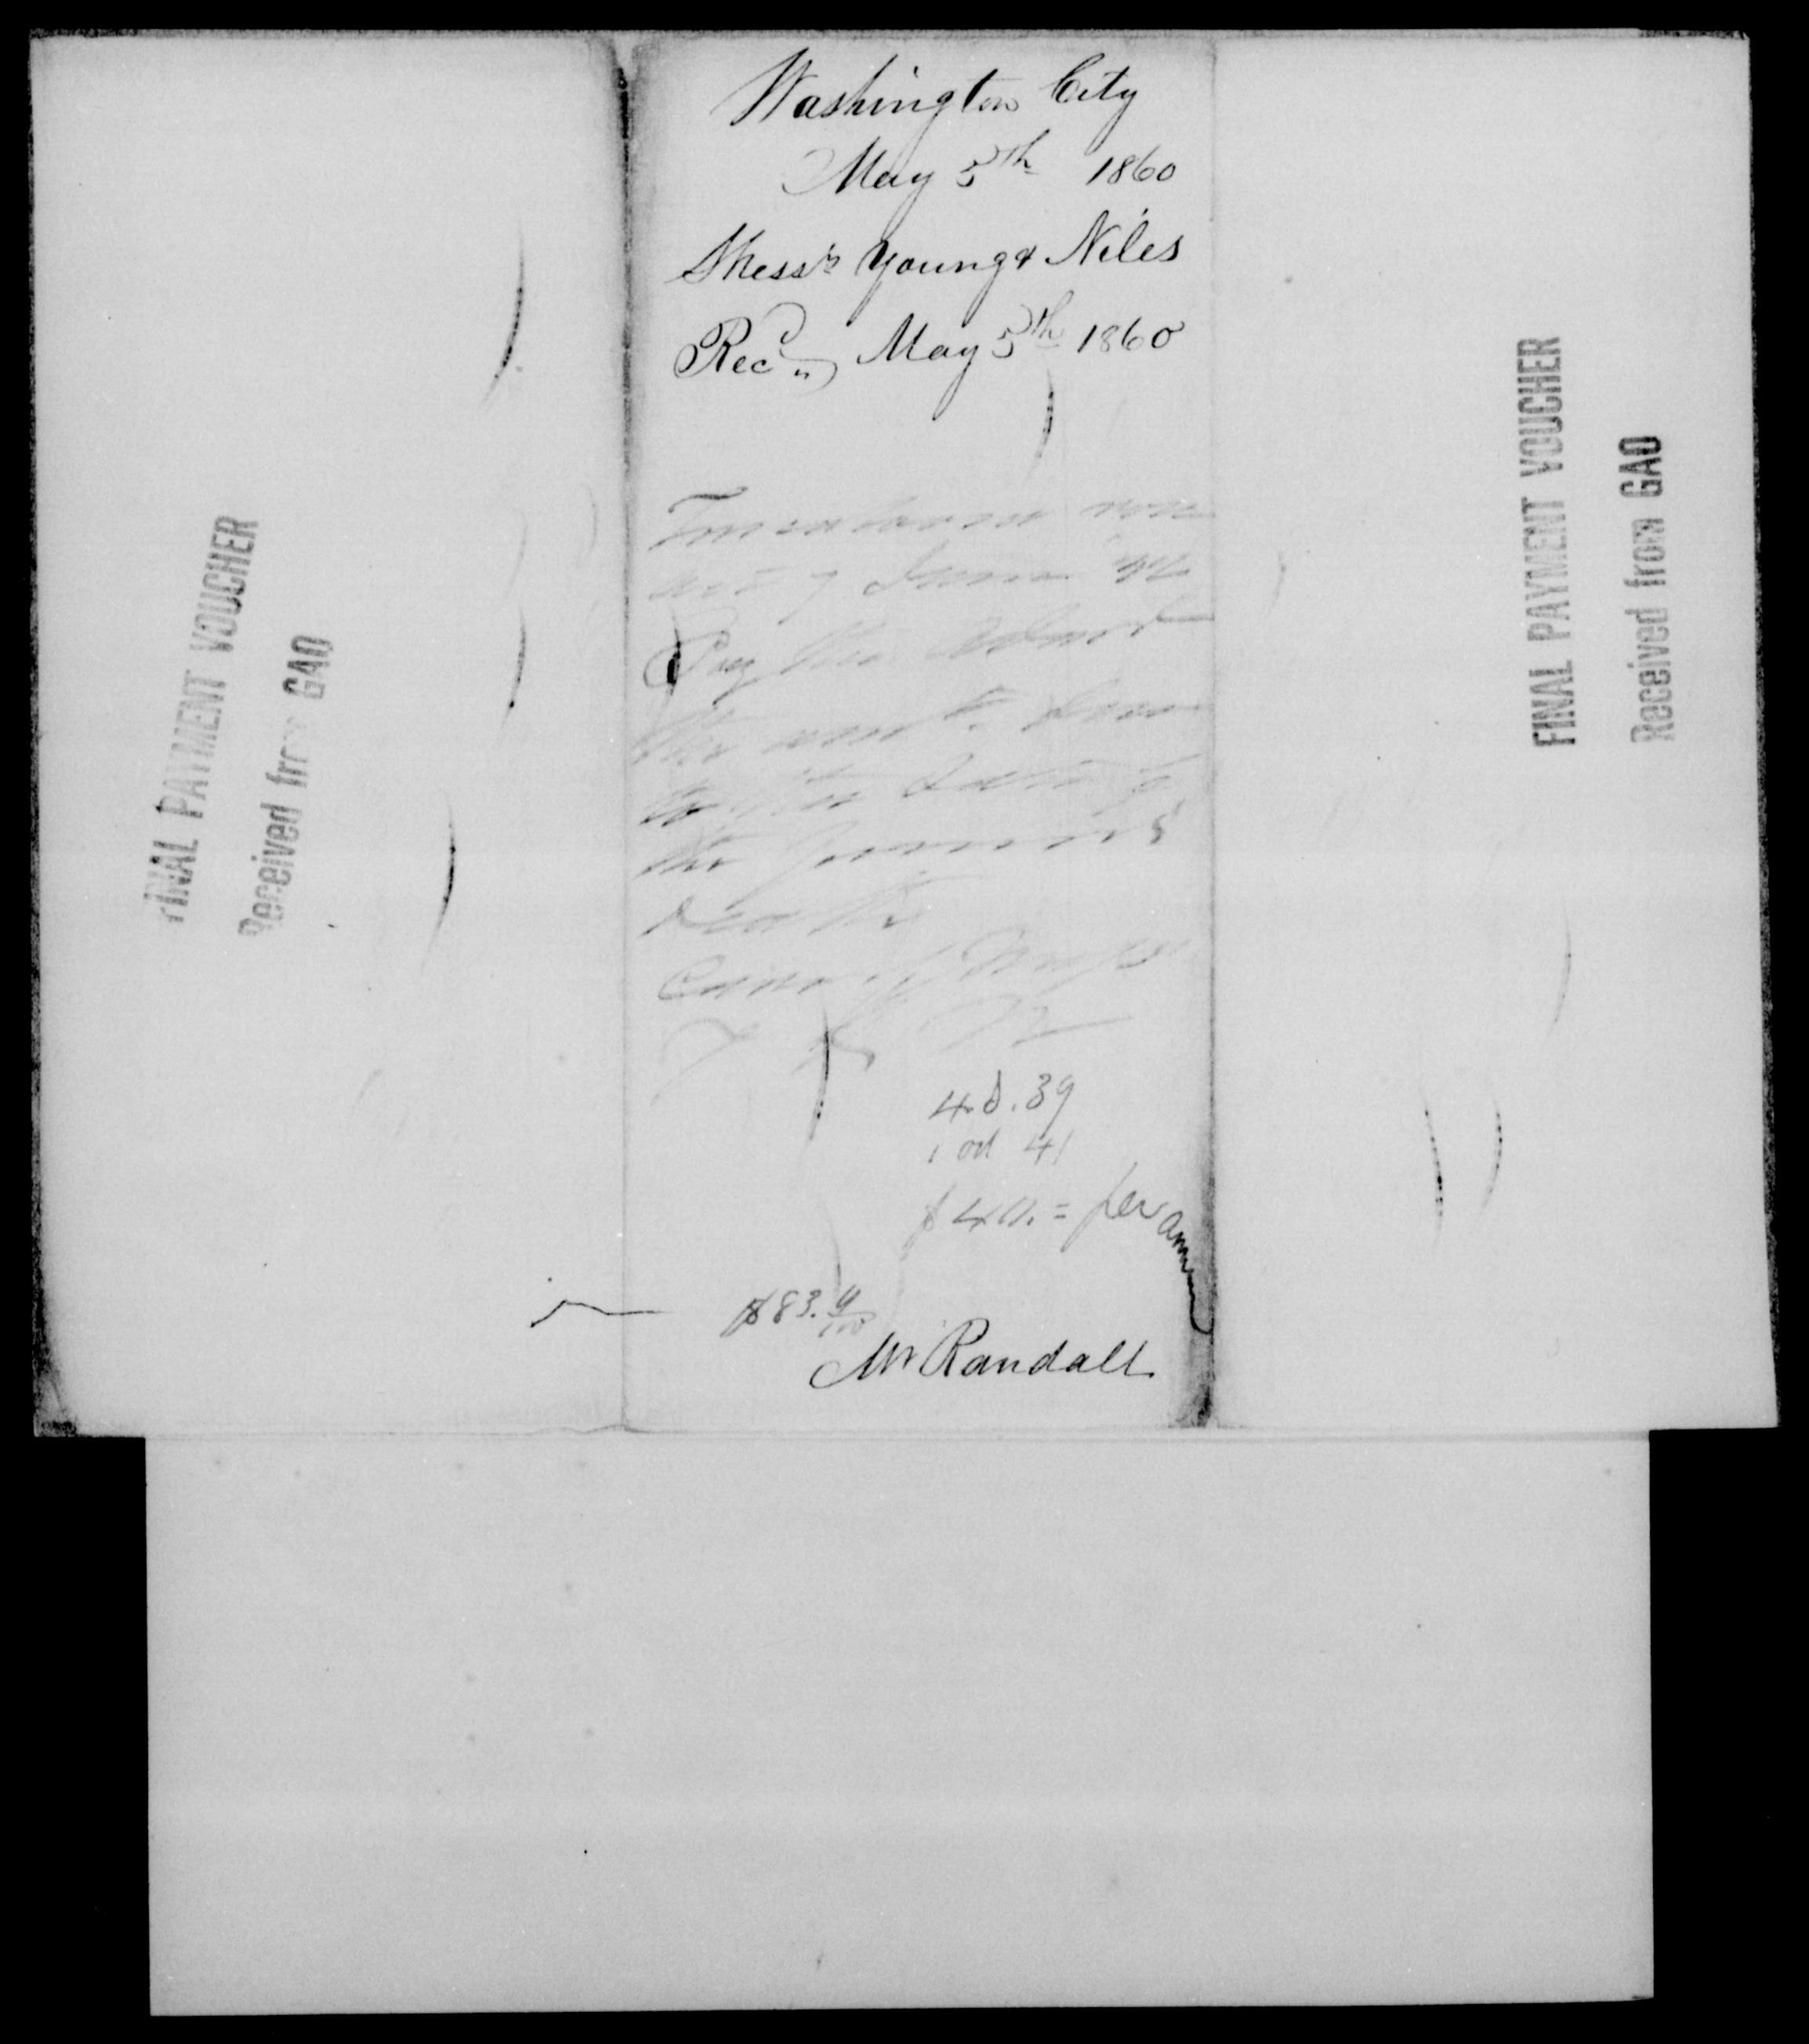FINAL PAYMENT VOUCHER
Received from GAO

Washington City
May 5th 1860
Messr Young & Niles
Recd May 5th 1860

(paragraph unreadable)


45.39
on 41
$40 per annum
$83.9/100
  Mr Randall

FINAL PAYMENT VOUCHER
Received from GAOO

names: [BLANK] Young; [BLANK] Randall; [BLANK] Niles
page: 16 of 20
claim: survivor's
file: S. 32512, for Harmon Shumaker, Maryland